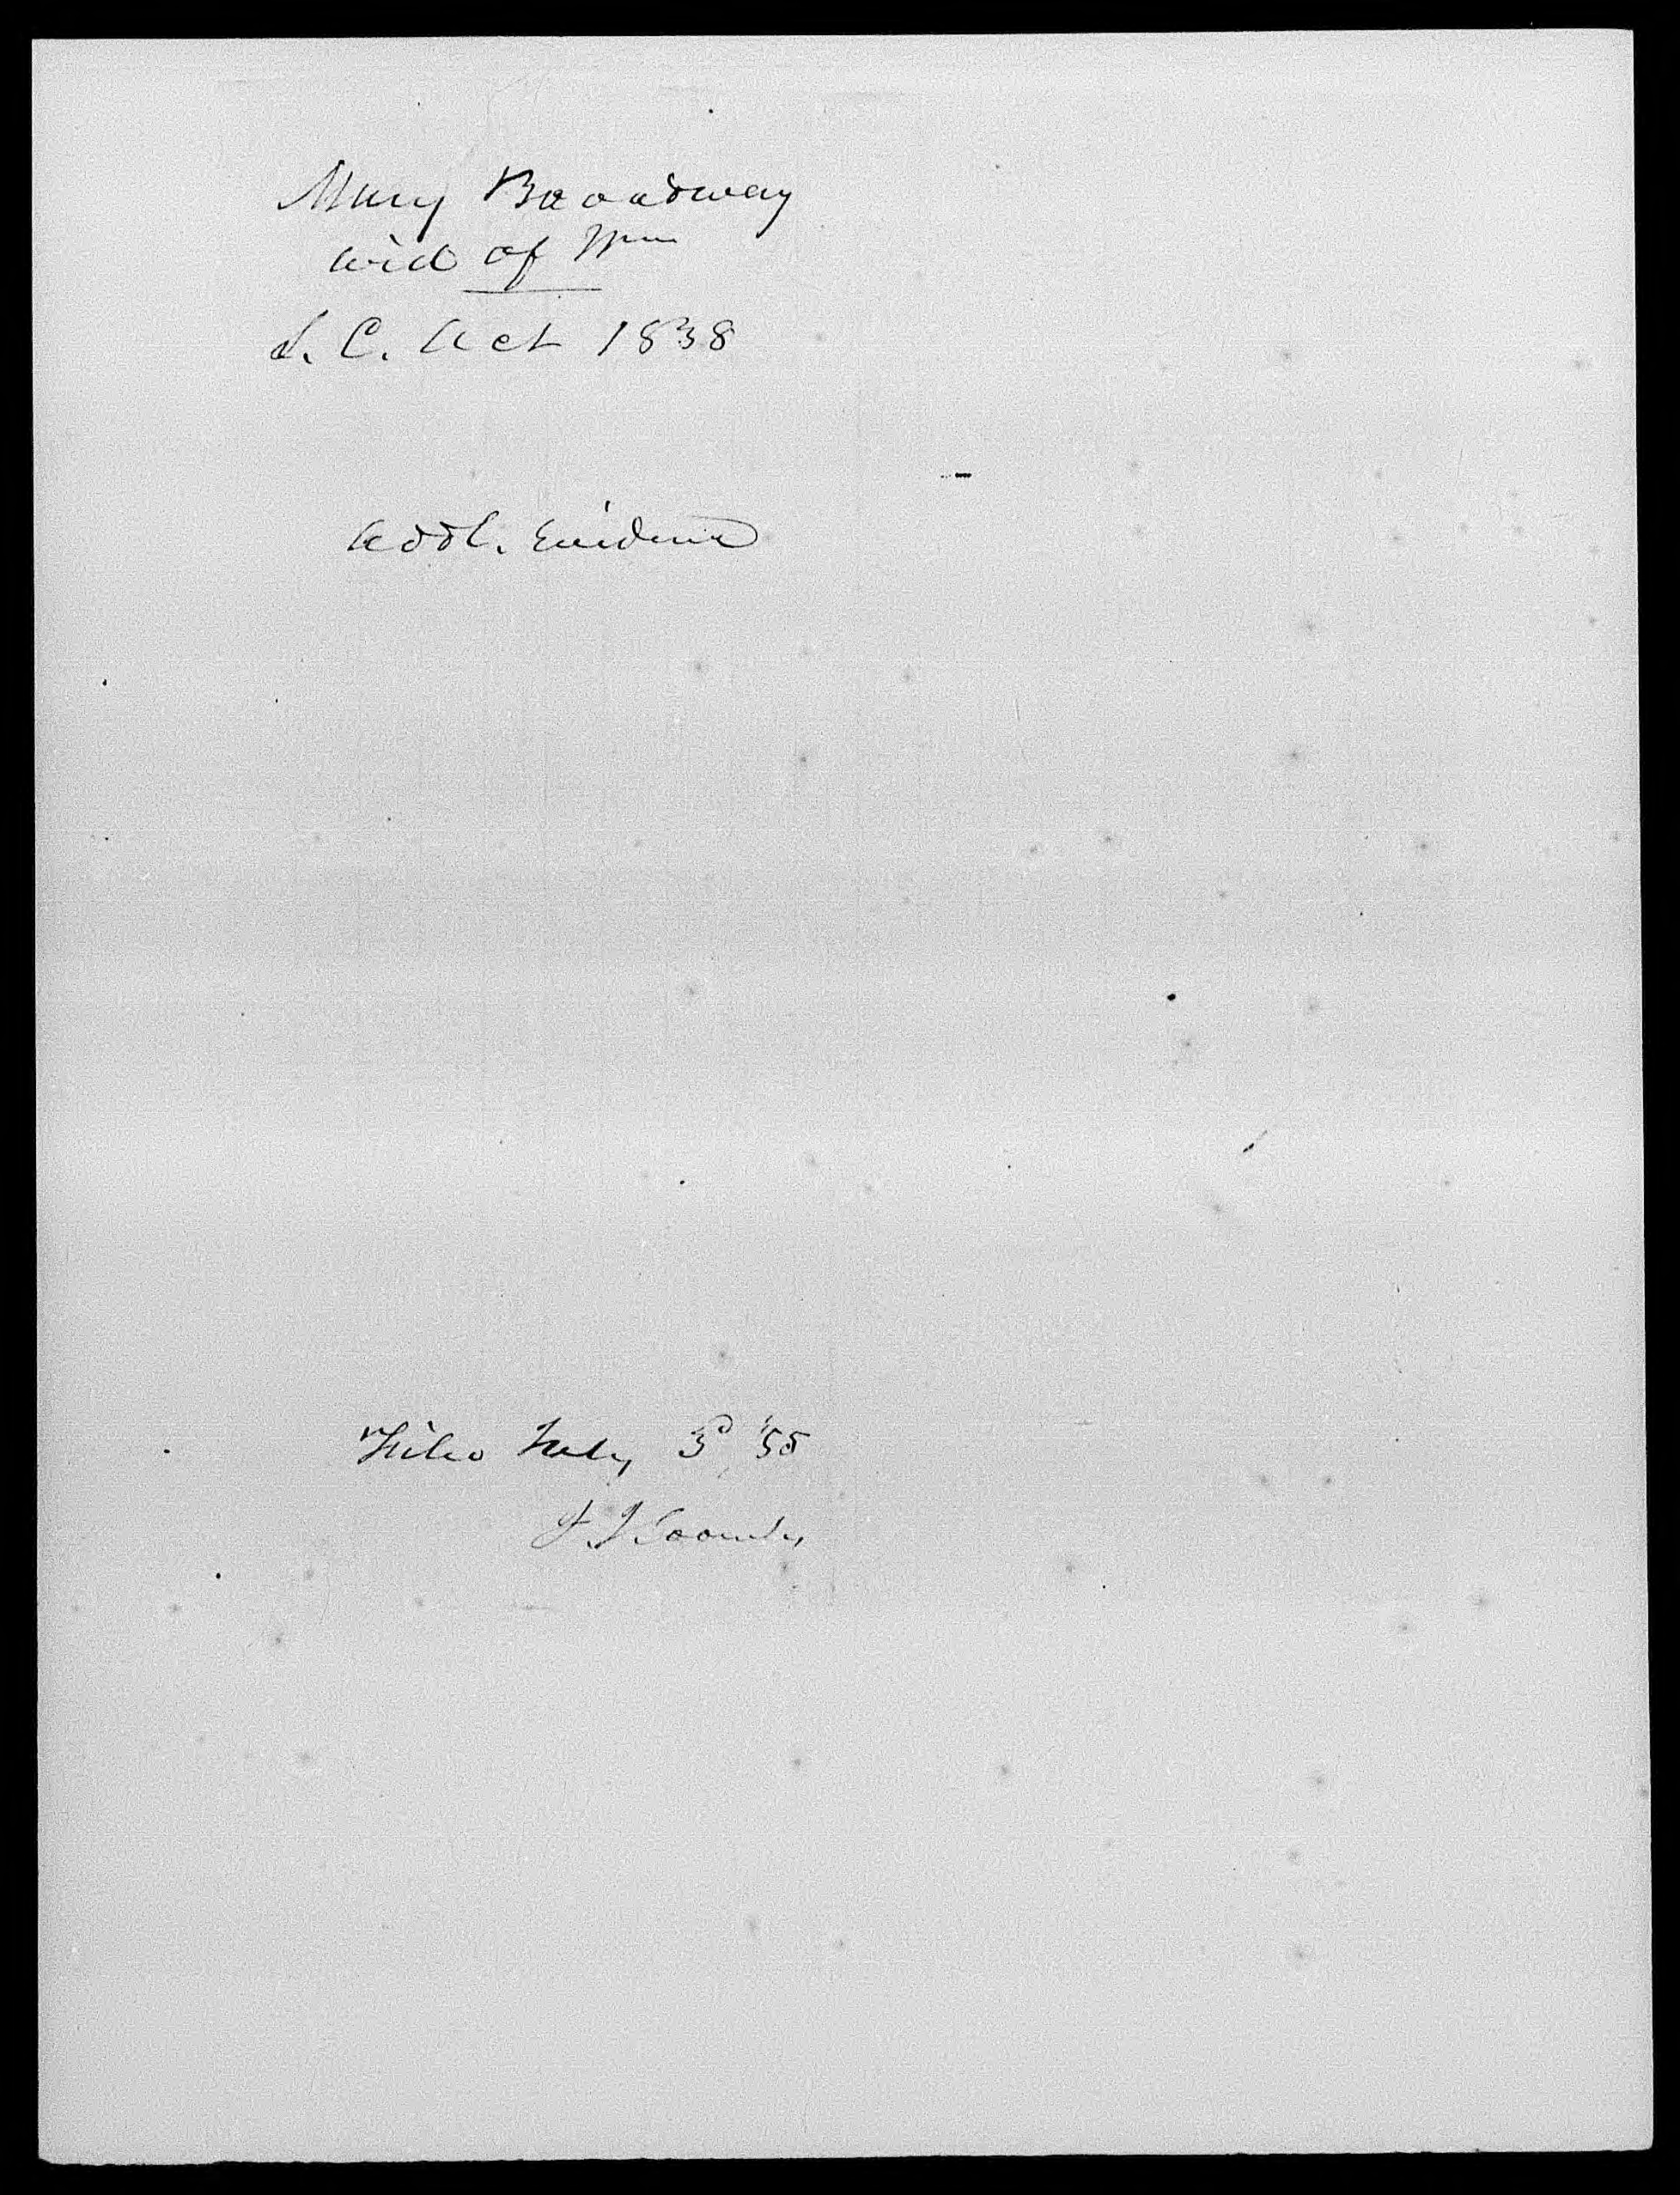Mary Broadway
wid of Wm
       ---
S.C. Act 1838
Addl evidence


[illegible] July 3d '55

J J  Coombs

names: J J Coombs, Mary Broadway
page: 85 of 98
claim: widow's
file: W. 8398, William Broadway, S.C.